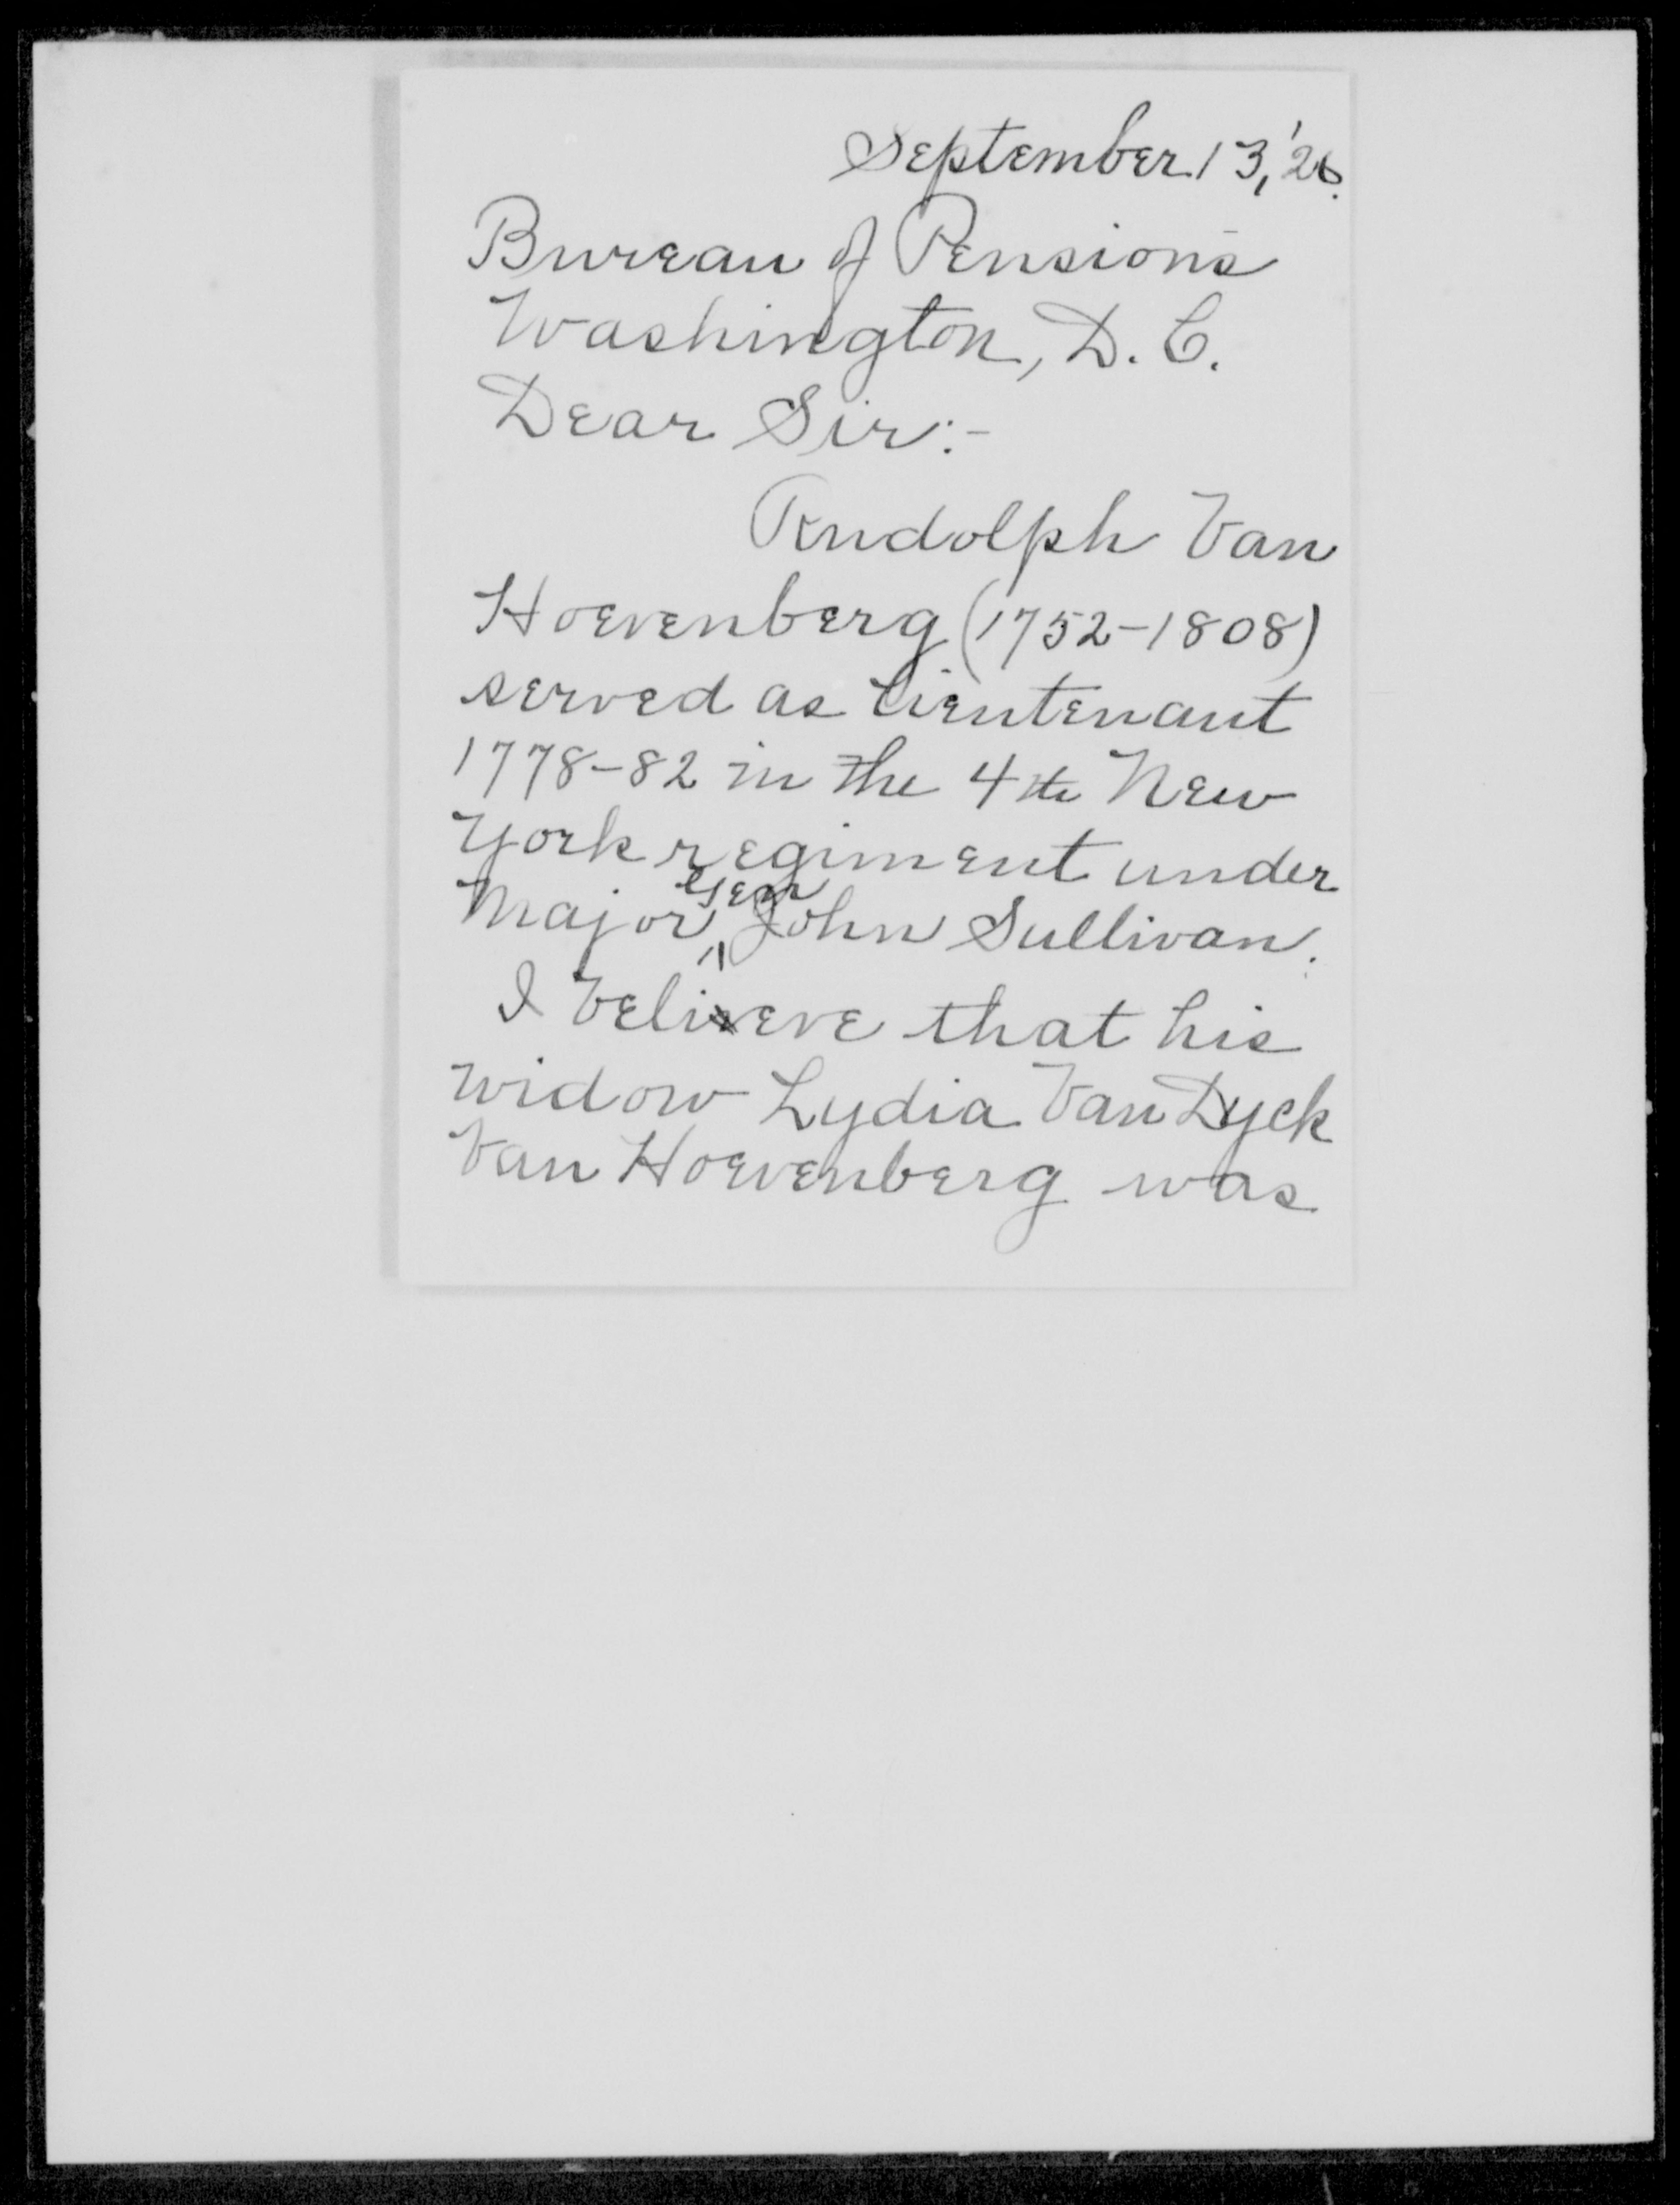September 13, '26
Bureau of Pensions
Washington, D.C.
Dear Sir-
Rudolph Van Hoevenberg (1752-1808) served as Lieutenant 1778-82 in the 4th New York regiment under Major ^year John Sullivan.
I believe that his widow Lydia Van Dyck Van Hoevenberg was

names: John Sullivan, Rudolph Van Hoevenberg, Lydia Van Dyck Van Hoevenberg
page: 25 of 38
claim: widow's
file: W. 23324, Rudolphus Van Hoevenbergh, New York